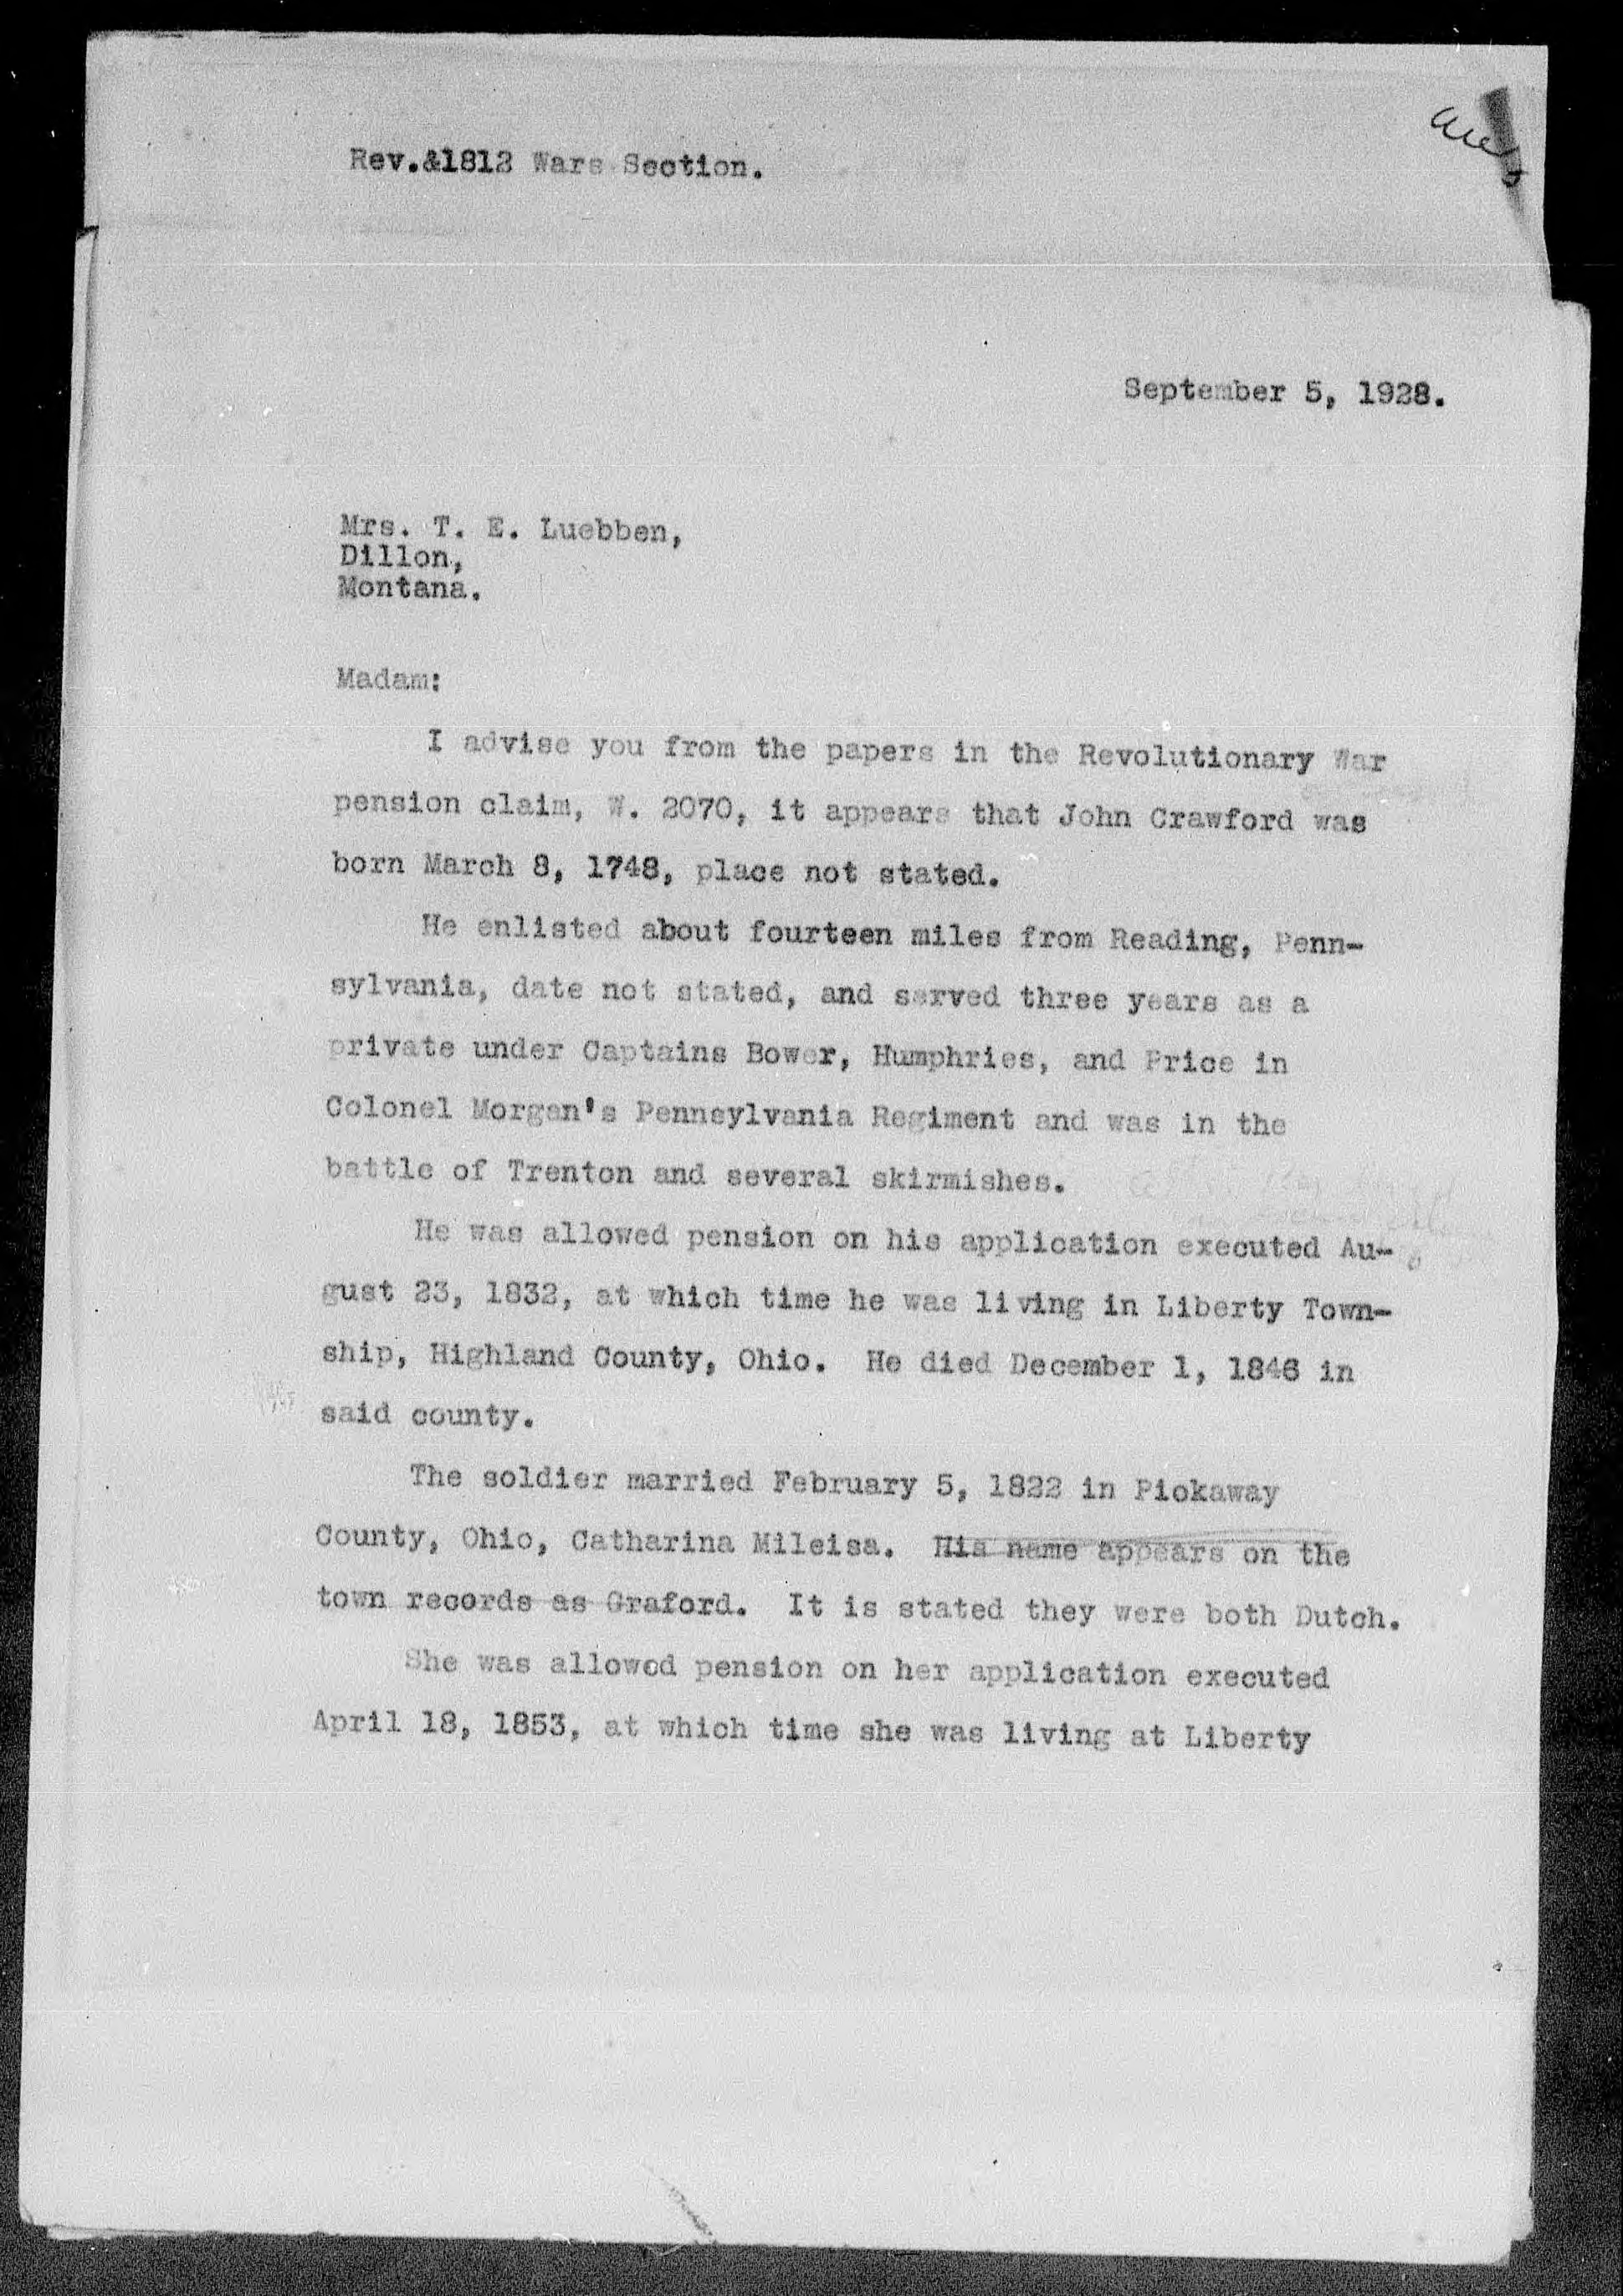Rev.&1813 Wars Section.
September 5, 1938.
Mrs. T. E. Luebben,
Dillon,
Montana.
Madam:
I advise you from the papers in the Revolutionary War pension claim, W. 2070, it appears that John Crawford was born March 8, 1748, place not stated.
He enlisted about fourteen miles from Reading, Penn-sylvania, date not stated, and served three years as a private under Captains Bower, Humphries, and Price in Colonel Morgan's Pennsylvania Regiment and was in the battle of Trenton and several skirmishes.
He was allowed pension on his application executed Au-gust 23, 1832, at which time he was living in Liberty Town-ship, Highland County, Ohio. He died December 1, 1846 in said county. The soldier married February 5, 1822 in Pickaway County, Ohio, Catharina Mileiss. His name appears on the town records as Graford. It is stated they were both Dutch.
She was allowed pension on her application executed April 18, 1853, at which time she was living at Liberty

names: Graford, T E Luebben, John Crawford, Catharina Mileisa, Price, Bower, Humphries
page: 74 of 80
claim: widow's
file: W 2070, John Crawford, Penn.